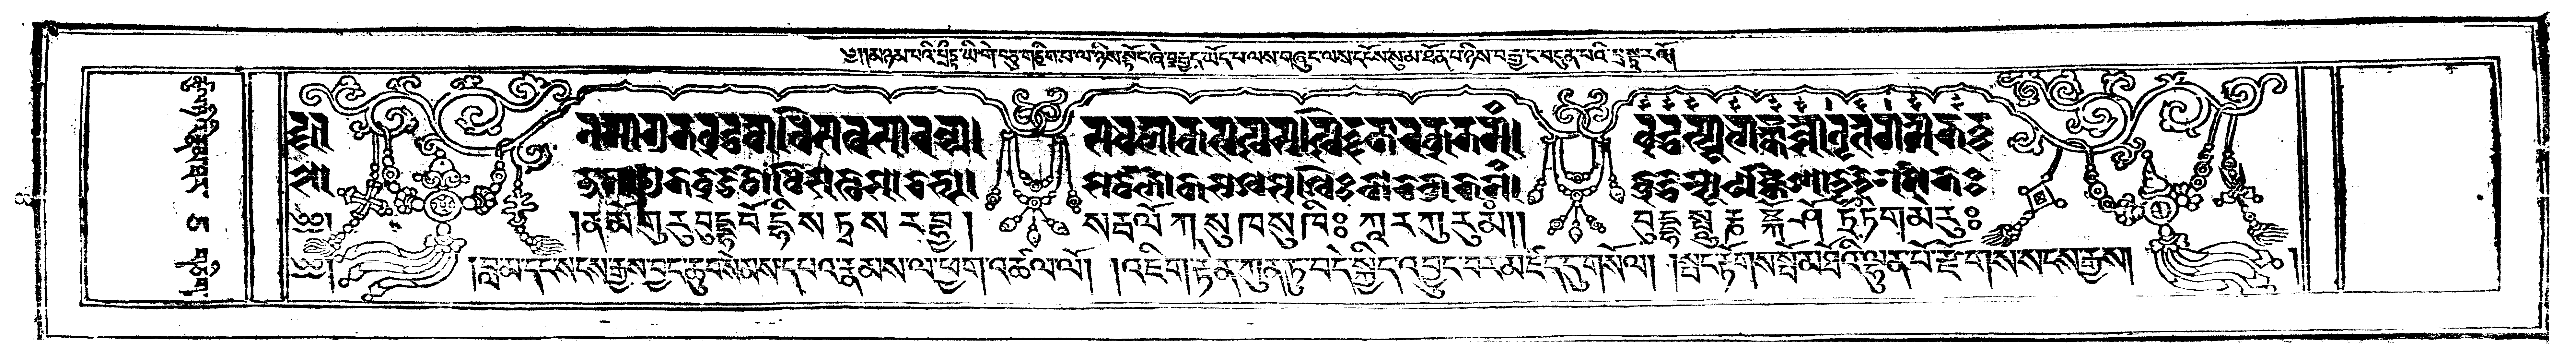༄༅། །ན་མོ་གུ་རུ་བུདྡྷ་བོ་དྷི་ས་ཏྭ་ས་ར་བྷྱ། སརྦ་ལོ་ཀ་སུ་ཁ་སུ་ཁིཿཀཱ་ར་ཀུ་རུ་མཾ།། བུདྡྷ་སྤཱུ་རྞ་ཀོ་ཤོ་ཏྲ་ཏེ་ག་མེ་རུཿ
༄༅། །བླ་མ་དང་སངས་རྒྱས་བྱང་ཆུབ་སེམས་དཔའ་རྣམས་ལ་ཕྱག་འཚལ་ལོ། །འཇིག་རྟེན་ཀུན་ཏུ་བདེ་སྐྱིད་འབྱུང་བར་མཛད་དུ་གསོལ། །སྤང་རྟོགས་སྤོ་མཐོའི་ལྷུན་པོ་རྫོགས་སངས་རྒྱས།